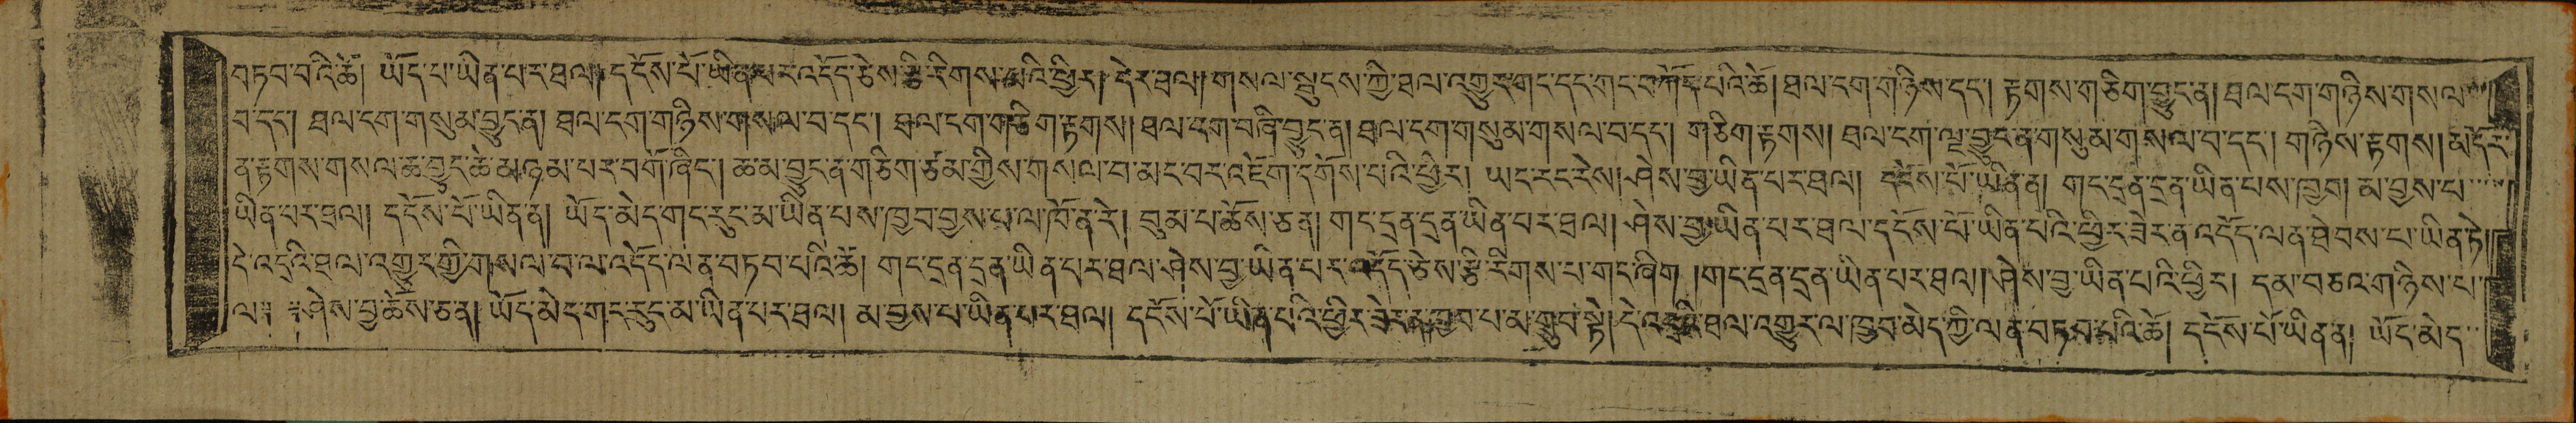བཏབ་བའི་ཚེ། ཡོད་པ་ཡིན་པར་ཐལ། དངོས་པོ་ཡིན་པར་འདོད་ཅེས་རྩི་རིགས་པའི་ཕྱིར། དེར་ཐལ། གསལ་སྦུངས་ཀྱི་ཐལ་འགྱུར་གང་དང་གང་བཀོད་པའི་ཚེ། ཐལ་ངག་གཉིས་དང་། རྟགས་གཅིག་བྱུང་ན། ཐལ་ངག་གཉིས་གསལ་
བ་དང་། ཐལ་ངག་གསུམ་བྱུང་ན། ཐལ་ངག་གཉིས་གསལ་བ་དང་། ཐལ་ངག་གཅིག་རྟགས། ཐལ་ངག་བཞི་བྱུང་ན། ཐལ་ངག་གསུམ་གསལ་བ་དང་། གཅིག་རྟགས། ཐལ་ངག་ལྔ་བྱུང་ན་གསུམ་གསལ་བ་དང་། གཉིས་རྟགས། མདོར་
ན་རྟགས་གསལ་ཆ་བྱུང་ཆེ་མཉམ་པར་བགོ་ཞིང་། ཆ་མ་བྱུང་ན་གཅིག་ཙམ་གྱིས་གསལ་བ་མང་བར་འཇོག་དགོས་པའི་ཕྱིར། ཡང་རང་རེས། ཤེས་བྱ་ཡིན་པར་ཐལ། དངོས་པོ་ཡིན་ན། གང་དྲན་ཡིན་པས་ཁྱབ། མ་བྱས་པ་
ཡིན་པར་ཐལ། དངོས་པོ་ཡིན་ན། ཡོད་མེད་གང་རུང་མ་ཡིན་པས་ཁྱབ་བྱས་པ་ལ་ཁོ་ན་རེ། བུམ་པ་ཆོས་ཅན། གང་དྲན་དྲན་ཡིན་པར་ཐལ། ཤེས་བྱ་ཡིན་པར་ཐལ་དངོས་པོ་ཡིན་པའི་ཕྱིར་ཟེར་ན་འདོད་ལན་ཐེབས་པ་ཡིན་ཏེ།
དེ་འདྲའི་ཐལ་འགྱུར་གྱི་གསལ་བ་ལ་འདོད་ལན་བཏབ་པའི་ཚེ། གང་དྲན་དྲན་ཡིན་པར་ཐལ་ཤེས་བྱ་ཡིན་པར་འདོད་ཅེས་རྩི་རིགས་པ་གང་ཞིག །གང་དྲན་དྲན་ཡིན་པར་ཐལ། ཤེས་བྱ་ཡིན་པའི་ཕྱིར། དམ་བཅའ་གཉིས་པ་
ལ༑ ༑ཤེས་བྱ་ཆོས་ཅན། ཡོད་མེད་གང་རུང་མ་ཡིན་པར་ཐལ། མ་བྱས་པ་ཡིན་པར་ཐལ། དངོས་པོ་ཡིན་པའི་ཕྱིར་ཟེར་ན་ཁྱབ་པ་མ་གྲུབ་སྟེ། དེ་འདྲའི་ཐལ་འགྱུར་ལ་ཁྱབ་མེད་ཀྱི་ལན་བཏབ་པའི་ཚེ། དངོས་པོ་ཡིན་ན། ཡོད་མེད་